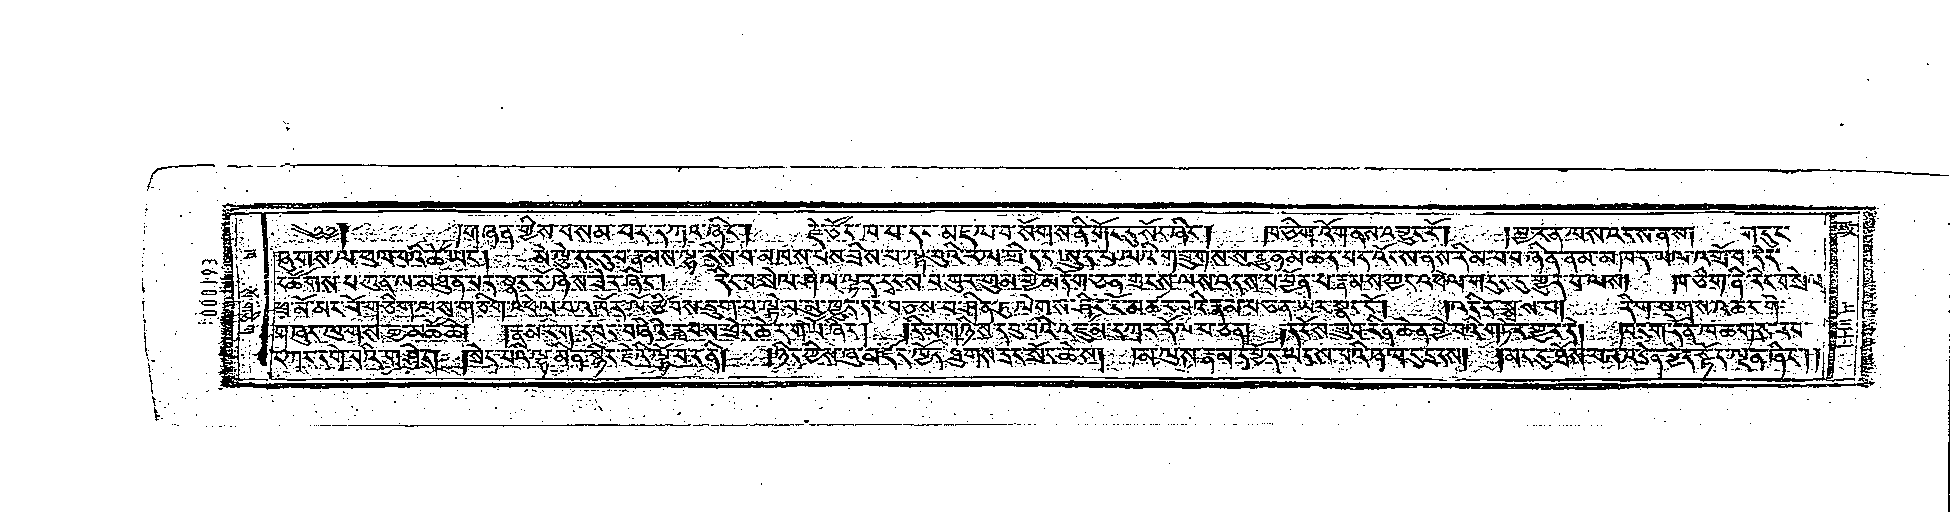༄༅། །གཞན་གྱིས་བསམ་བར་དཀའ་ཞིང་། རྗེ་ཙོང་ཁ་པ་དང་མཇལ་བ་སོགས་ནི་གོང་དུ་སོང་ཞིང་། ཁ་ཅིག་འོག་ནས་འབྱུང་ངོ། །མྱ་ངན་ལས་འདས་ནས། གདུང་
ཞུགས་ལ་ཕུལ་བའི་ཚེ་ཡང་། མེ་ལྕེ་དང་དུ་བ་རྣམས་ལྷ་རིས་བ་མཁས་པས་བྲིས་པ་ལྟ་བུའི་རལ་གྲི་དང་ཨུད་པ་ལའི་གཟུགས་སུ་རྒྱུན་མ་ཆད་པར་འོངས་ནས་རིམ་བ་བཞིན་ནམ་མཁར་ཡལ་འགྲོ་བ་དེར་
ང་ཚོགས་པ་ཀུན་ལ་མཐུན་པར་སྣང་ངོ་ཞེས་ཟེར་ཞིང་། རིང་བསྲེལ་ཤེལ་ལྟར་དྭངས་པ་གུར་གུམ་གྱི་མདོག་ཅན་གྲངས་ལས་འདས་པ་བྱོན་པ་རྣམས་ཀྱང་འཕེལ་གདུང་དུ་གྱུར་བ་ལས། ཁ་ཅིག་ནི་རིང་བསྲེལ་
ཕྲ་མོ་མང་པོ་གཅིག་ལས་གཅིག་འཕེལ་བ་འཁོར་ལོ་རྩིབས་དྲུག་པ་ལྟེ་བ་མུ་ཁྱུད་དང་བཅས་པ་ཤིན་ཏུ་ལེགས་ཤིང་ངོ་མཚར་བའི་རྣམ་པ་ཅན་ཡང་སྣང་ངོ། །འདིར་སྨྲས་པ། རིག་སྔགས་འཆང་གི་
གཞུང་ལུགས་རྒྱ་མཚོ་ཆེ། །རྣམ་དག་དབང་བཞིའི་རླབས་ཕྲེང་ཆེར་གཡོ་ཞིང་། །རིམ་གཉིས་དབུ་བའི་འཛུམ་དཀར་རོལ་པ་ཅན། །དངོས་གྲུབ་རིན་ཆེན་བྱེ་བའི་གཏེར་གྱུར་དེ། །བདག་དོན་ཁ་ཆགས་རབ་
དཀར་དགེ་བའི་གཤེད། །སྲེད་པའི་ལྷ་མིན་སྙིང་རྗེའི་ལྟོ་བར་ནི། །ཉིད་ཀྱིས་ཞུ་མཛད་ཁྱོད་ཐུགས་དྲང་སྲོང་ཆེས། །མ་ལུས་རྣམ་དཔྱོད་ཡངས་པའི་ཞལ་དུ་དྲངས། །མང་དུ་ཐོས་བའི་འདྲེན་བྱེད་སྟོང་ལྡན་ཞིང་། །